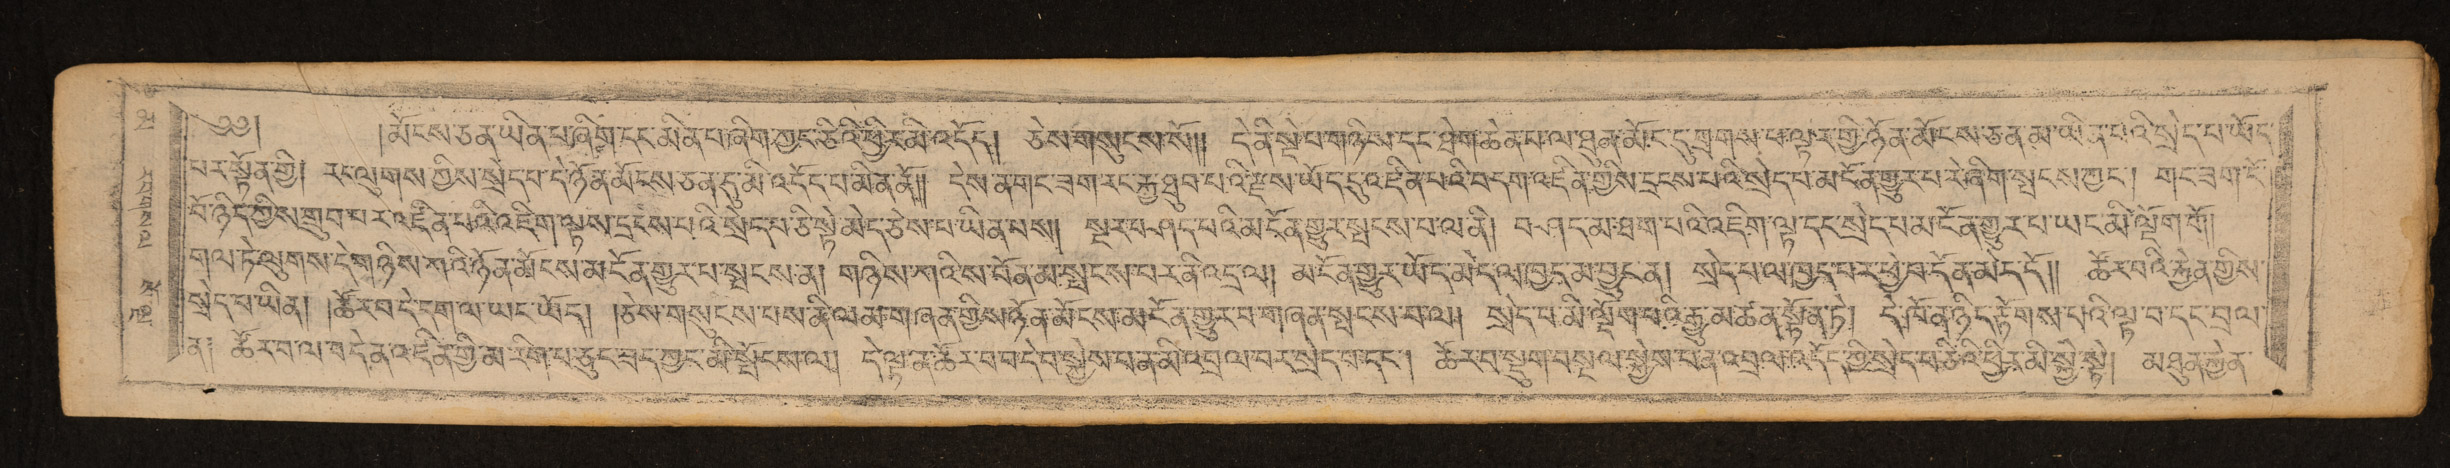༄༅། །མོངས་ཅན་ཡིན་པ་ཞིག་དང་མིན་པ་ཞིག་ཀྱང་ཅིའི་ཕྱིར་མི་འདོད། ཅེས་གསུངས་སོ།། དེ་ནི་སྡེ་པ་གཉིས་དང་ཐེག་ཆེན་པ་ལ་ཐུན་མོང་དུ་གྲགས་པ་ལྟར་གྱི་ཉོན་མོངས་ཅན་མ་ཡིན་པའི་སྲེད་པ་ཡོད་
པར་སྟོན་གྱི། རང་ལུགས་ཀྱིས་སྲེད་པ་དེ་ཉོན་མོངས་ཅན་དུ་མི་འདོད་པ་མིན་ནོ།། དེས་ན་གང་ཟག་རང་རྐྱ་ཐུབ་པའི་རྫས་ཡོད་དུ་འཛིན་པའི་བདག་འཛིན་གྱིས་དྲངས་པའི་སྲེད་པ་མངོན་གྱུར་པ་རེ་ཞིག་སྤངས་ཀྱང་། གང་ཟག་ངོ་
བོ་ཉིད་ཀྱིས་གྲུབ་པར་འཛིན་པའི་འཇིག་ལྟས་དྲངས་པའི་སྲེད་པ་ཅི་སྟེ་མེད་ཅེས་པ་ཡིན་པས། སྔར་བཤད་པའི་མངོན་གྱུར་སྤངས་པ་ལ་ནི། བཤད་མ་ཐག་པའི་འཇིག་ལྟ་དང་སྲེད་པ་མངོན་གྱུར་པ་ཡང་མི་ལྡོག་གོ།
གལ་ཏེ་ལུགས་དེ་གཉིས་ཀའི་ཉོན་མོངས་མངོན་གྱུར་པ་སྤངས་ན། གཉིས་ཀའི་ས་བོན་མ་སྤངས་པར་ནི་འདྲ་ལ། མངོན་གྱུར་ཡོད་མེད་ལ་ཁྱད་མ་བྱུང་ན། སྲེད་པ་ལ་ཁྱད་པར་ཕྱེ་བ་དོན་མེད་དོ།། ཚོར་བའི་རྐྱེན་གྱིས་
སྲེད་པ་ཡིན། །ཚོར་བ་དེ་དག་ལ་ཡང་ཡོད། །ཅེས་གསུངས་པས་ནི་ལམ་གཞན་གྱིས་ཉོན་མོངས་མངོན་གྱུར་བ་གཞན་སྤངས་པ་ལ། སྲེད་པ་མི་ལྡོག་པའི་རྒྱུ་མཚན་སྟོན་ཏེ། དེ་ཁོ་ན་ཉིད་རྟོགས་པའི་ལྟ་བ་དང་བྲལ་
ན༑ ཚོར་བ་ལ་བདེན་འཛིན་གྱི་མ་རིག་པ་ཅུང་ཟད་ཀྱང་མི་སྤོངས་ལ། དེ་ལྟ་ན་ཚོར་བ་བདེ་བ་སྐྱེས་པ་ན་མི་འབྲལ་བར་སྲེད་པ་དང་། ཚོར་བ་སྡུག་བསྔལ་སྐྱེས་པ་ན་འབྲལ་འདོད་ཀྱི་སྲེད་པ་ཅིའི་ཕྱིར་མི་སྐྱེ་སྟེ། མཐུན་རྐྱེན་